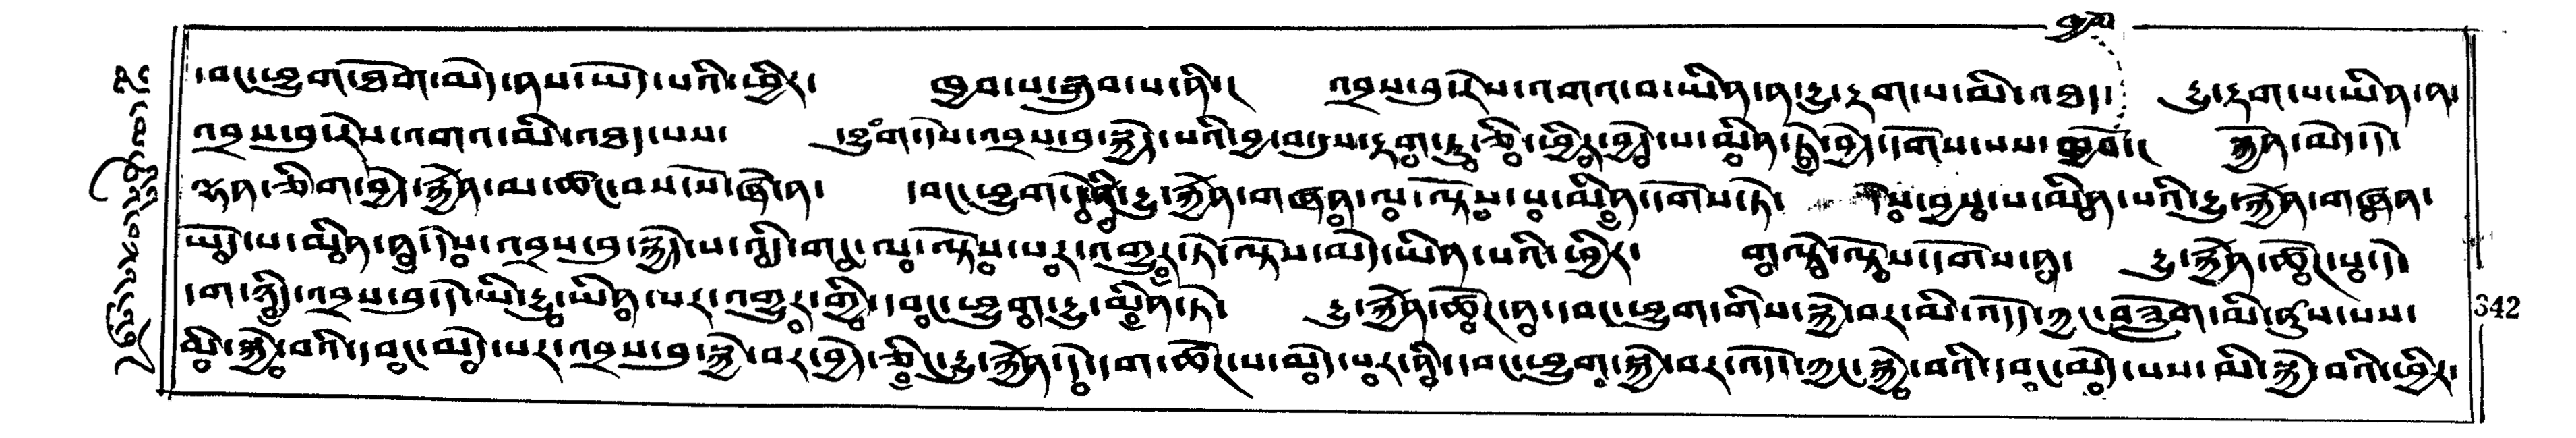དབང་ཕྱུག་ཐོག་མེད་ནས་ཡོད་པའི་ཕྱིར།ཁྱབ་པ་སྒྲུབ་པ་ནི། འབྲས་བུ་རེས་འགའ་བ་ཡིན་ན་རྒྱུ་རྟག་པ་མི་འཐད། རྒྱུ་རྟག་པ་ཡིན་ན་
འབྲས་བུ་རེས་འགའ་མི་འཐད་པས། དབང་ཕྱུག་དེས་འབྲས་བུ་སྐྱེད་པའི་བྱ་བ་དུས་རྟག་ཏུ་ཅི་ཕྱིར་བྱེད་པ་མིན་ཏེ་བྱེད་དགོས་པས་ཁྱབ་བོ།། སྐྱོན་མེད་དེ་
ལྷན་ཅིག་བྱེད་རྐྱེན་མ་ཚང་བས་སོ་ཞེ་ན། དབང་ཕྱུག་དེ་ནི་རྒྱུ་རྐྱེན་གཞན་ལ་ལྟོས་པ་མིན་དགོས་ཏེ། དེས་བྱས་པ་མིན་པའི་རྒྱུ་རྐྱེན་གཞན་
ཡོད་པ་མིན་ན་དེས་འབྲས་བུ་སྐྱེད་པ་འདི་གང་ལ་ལྟོས་པར་འགྱུར་ཏེ་ལྟོས་མེད་ཡིན་པའི་ཕྱིར། གལ་ཏེ་ལྟོས་དགོས་ན། རྒྱུ་རྐྱེན་ཚོགས་པ་དེ་
དག་ཉིད་འབྲས་བུ་དེ་ཡི་རྒྱུ་ཡིན་པར་འགྱུར་གྱི་དབང་ཕྱུག་རྒྱུ་མིན་ཏེ། རྒྱུ་རྐྱེན་ཚོགས་ན་དབང་ཕྱུག་གིས་སྐྱེ་བར་མི་འདོད་ཀྱང་བཟློག་མི་ནུས་པས་
མི་སྐྱེ་བའི་དབང་མེད་པར་འབྲས་བུ་སྐྱེ་བར་བྱེད་ཅིང་རྒྱུ་རྐྱེན་དེ་དག་ཚོགས་པ་མེད་པར་ནི་དབང་ཕྱུག་སྐྱེ་བར་འདོད་ཀྱང་སྐྱེ་བའི་དབང་མེད་པས་མི་སྐྱེ་བའི་ཕྱིར་